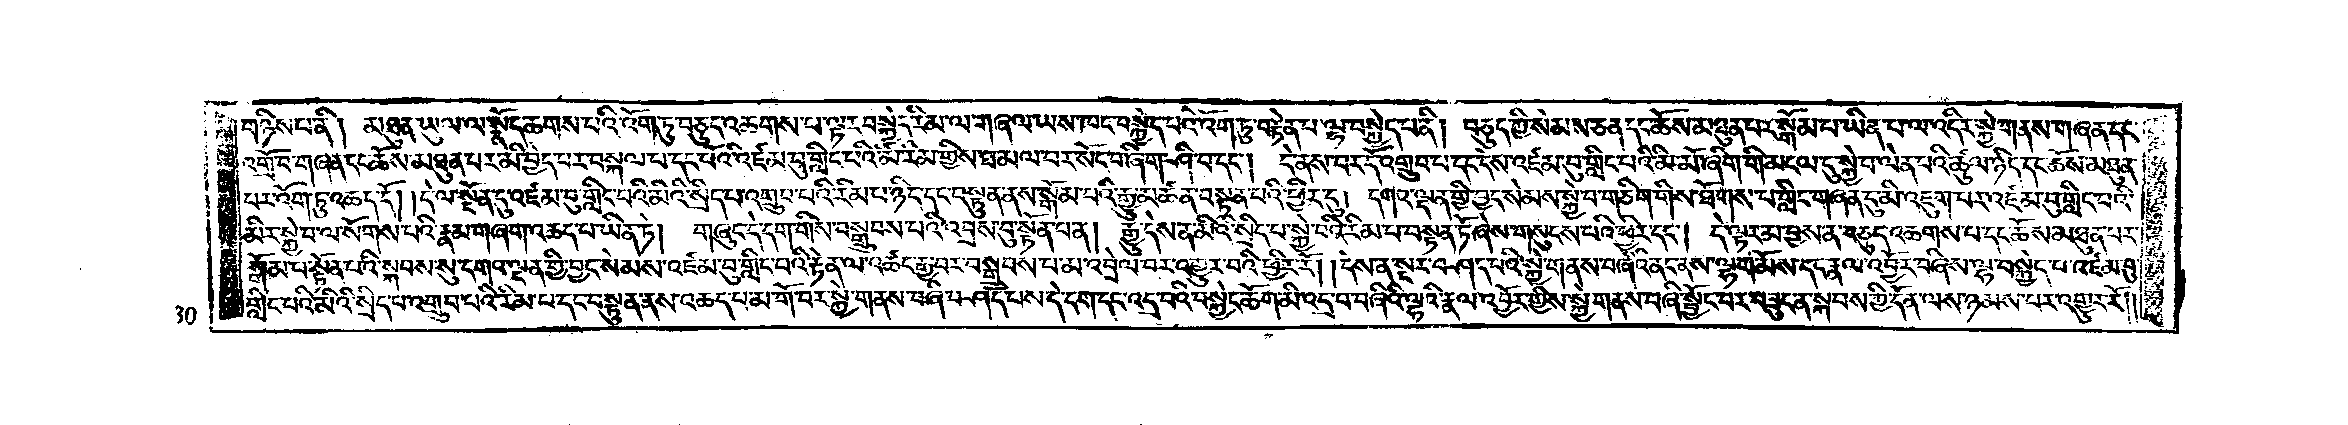གཉིས་པ་ནི། མཐུན་ཡུལ་ལ་སྣོད་ཆགས་པའི་འོག་ཏུ་བཅུད་འཆགས་པ་ལྟར་བསྐྱེད་རིམ་ལ་གཞལ་ཡས་ཁང་བསྐྱེད་པའི་འོག་ཏུ་བརྟེན་པ་ལྷ་བསྐྱེད་པ་ནི། བཅུད་ཀྱི་སེམས་ཅན་དང་ཆོས་མཐུན་པར་སྒོམ་པ་ཡིན་པ་ལ་འདིར་སྐྱེ་གནས་གཞན་དང་
འགྲོ་བ་གཞན་དང་ཆོས་མཐུན་པར་མི་བྱེད་པར་བསྐལ་པ་དང་པོའི་འཛམ་བུ་གླིང་པའི་མི་རིམ་གྱིས་ཐ་མལ་པར་སོང་བ་ཞིག་ཤི་བ་དང་། དེ་ནས་བར་དོ་འགྲུབ་པ་དང་དེས་འཛམ་བུ་གླིང་པའི་མི་མོ་ཞིག་གི་མངལ་དུ་སྐྱེ་བ་ལེན་པའི་ཚུལ་ཉིད་དང་ཆོས་མཐུན་
པར་འོག་ཏུ་འཆད་དོ། །དེ་ལ་སྔོན་དུ་འཛམ་བུ་གླིང་པའི་མིའི་སྲིད་པ་འགྲུབ་པའི་རིམ་པ་ཉིད་དང་བསྟུན་ནས་སྒོམ་པའི་རྒྱུ་མཚན་བསྟན་པའི་ཕྱིར་དུ། དགའ་ལྡན་གྱི་བྱང་སེམས་སྐྱེ་བ་གཅིག་གིས་ཐོགས་པ་གླིང་གཞན་དུ་མི་འཇུག་པར་འཛམ་བུ་གླིང་པའི་
མིར་སྐྱེ་བ་ལ་སོགས་པའི་རྣམ་གཞག་འཆད་པ་ཡིན་ཏེ། གཞུང་དེ་དག་གིས་བསྒྲུབས་པའི་འབྲས་བུ་སྟོན་པ་ན། རྒྱུ་དེས་ན་མིའི་སྲིད་པ་སྐྱེ་བའི་རིམ་པ་བསྟན་ཏོ་ཞེས་གསུངས་པའི་ཕྱིར་དང་། དེ་ལྟར་མ་བྱས་ན་བཅུད་འཆགས་པ་དང་ཆོས་མཐུན་པར་
སྒོམ་པ་སྟོན་པའི་སྐབས་སུ་དགའ་ལྡན་གྱི་བྱང་སེམས་འཛམ་བུ་གླིང་པའི་རྟེན་ལ་འཚང་རྒྱ་བར་བསྒྲུབས་པ་མ་འབྲེལ་བར་འགྱུར་བའི་ཕྱིར་རོ། །དེས་ན་སྔར་བཤད་པའི་སྐྱེ་གནས་བཞིའི་ནང་ནས་ལྷག་མོས་དང་རྣལ་འབྱོར་བཞིས་ལྷ་བསྐྱེད་པ་འཛམ་བུ་
གླིང་པའི་མིའི་སྲིད་པ་འགྲུབ་པའི་རིམ་པ་དང་བསྟུན་ནས་འཆད་པ་མ་གོ་བར་སྐྱེ་གནས་བཞི་བཤད་པས་དེ་དག་དང་འདྲ་བའི་བསྐྱེད་ཆོག་མི་འདྲ་བ་བཞིའི་ལྷའི་རྣལ་འབྱོར་གྱིས་སྐྱེ་གནས་བཞི་སྦྱོང་བར་བཟུང་ན་སྐབས་ཀྱི་དོན་ལས་ཉམས་པར་འགྱུར་རོ། །